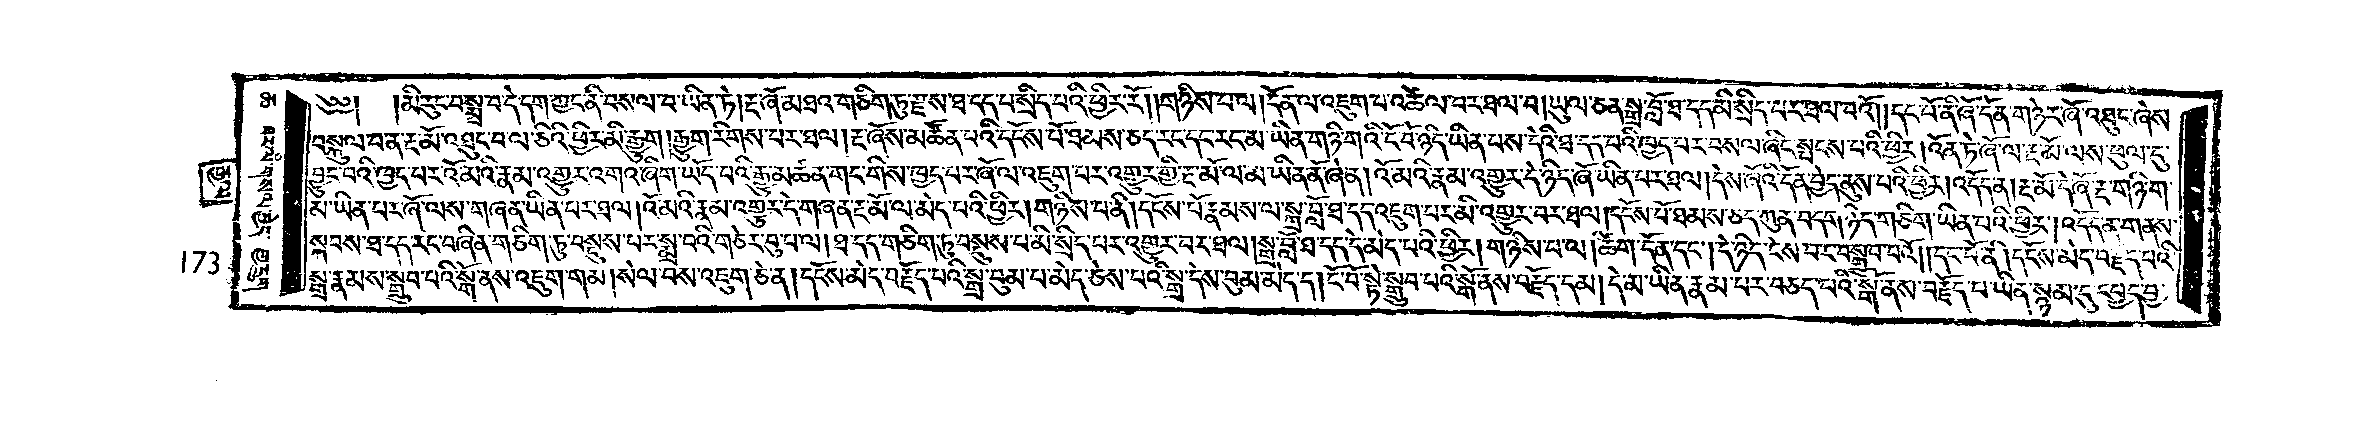༄༅། །མི་རུང་བ་སྨྲ་བ་དེ་དག་ཀྱང་ནི་བསལ་བ་ཡིན་ཏེ། རྔ་ཞོ་མཐའ་གཅིག་ཏུ་རྫས་ཐ་དད་པ་སྲིད་པའི་ཕྱིར་རོ། །གཉིས་པ་ལ། དོན་ལ་འཇུག་པ་འཚོལ་བར་ཐལ་བ། ཡུལ་ཅན་སྒྲ་བློ་ཐ་དད་མི་སྲིད་པར་ཐལ་བའོ། །དང་པོ་ནི་ཞོ་དོན་གཉེར་ཞོ་འཐུང་ཞེས་
བསྐུལ་བ་ན་རྔ་མོ་འཐུང་བ་ལ་ཅིའི་ཕྱིར་མི་རྒྱུག །རྒྱུག་རིགས་པར་ཐལ། རྔ་ཞོས་མཚོན་པའི་དངོས་པོ་ཐམས་ཅད་རང་དང་རང་མ་ཡིན་གཉི་གའི་ངོ་བོ་ཉིད་ཡིན་པས་དེའི་ཐ་དད་པའི་ཁྱད་པར་བསལ་ཞིང་སྤངས་པའི་ཕྱིར། འོན་ཏེ་ཞོ་ལ་རྔ་མོ་ལས་ཕུལ་དུ་
བྱུང་བའི་ཁྱད་པར་འོ་མའི་རྣམ་འགྱུར་འགའ་ཞིག་ཡོད་པའི་རྒྱུ་མཚན་གང་གིས་ཁྱད་པར་ཞོ་ལ་འཇུག་པར་འགྱུར་གྱི་རྔ་མོ་ལ་མ་ཡིན་ནོ་ཞེ་ན། འོ་མའི་རྣམ་འགྱུར་དེ་ཉིད་ཞོ་ཡིན་པར་ཐལ། དེས་ཞོའི་དོན་བྱེད་ནུས་པའི་ཕྱིར། འདོད་ན། རྔ་མོ་དེ་ཞོ་རྔ་གཉི་ག་
མ་ཡིན་པར་ཞོ་ལས་གཞན་ཡིན་པར་ཐལ། འོ་མའི་རྣམ་འགྱུར་དེ་གཞན་རྔ་མོ་ལ་མེད་པའི་ཕྱིར། གཉིས་པ་ནི། དངོས་པོ་རྣམས་ལ་སྒྲ་བློ་ཐ་དད་འཇུག་པར་མི་འགྱུར་བར་ཐལ། དངོས་པོ་ཐམས་ཅད་ཀུན་བདག་ཉིད་གཅིག་ཡིན་པའི་ཕྱིར། འདོད་ན་གནས་
སྐབས་ཐ་དད་རང་བཞིན་གཅིག་ཏུ་བསྡུས་པར་སྨྲ་བའི་གཅེར་བུ་པ་ལ། ཐ་དད་གཅིག་ཏུ་བསྡུས་པ་མི་སྲིད་པར་འགྱུར་བར་ཐལ། སྒྲ་བློ་ཐ་དད་དེ་མེད་པའི་ཕྱིར། གཉིས་པ་ལ། ཚིག་དོན་དང་། དེ་ཉིད་ངེས་པར་བསྒྲུབ་པའོ། །དང་པོ་ནི། དངོས་མེད་བརྗོད་པའི་
སྒྲ་རྣམས་སྒྲུབ་པའི་སྒོ་ནས་འཇུག་གམ། སེལ་བས་འཇུག་ཅེ་ན། དངོས་མེད་བརྗོད་པའི་སྒྲ་བུམ་པ་མེད་ཅེས་པའི་སྒྲ་དེས་བུམ་མེད་ད། ངོ་བོ་སྟེ་སྒྲུབ་པའི་སྒོ་ནས་བརྗོད་དམ། དེ་མ་ཡིན་རྣམ་པར་བཅད་པའི་སྒོ་ནས་བརྗོད་པ་ཡིན་སྙམ་དུ་དཔྱད་བྱ་